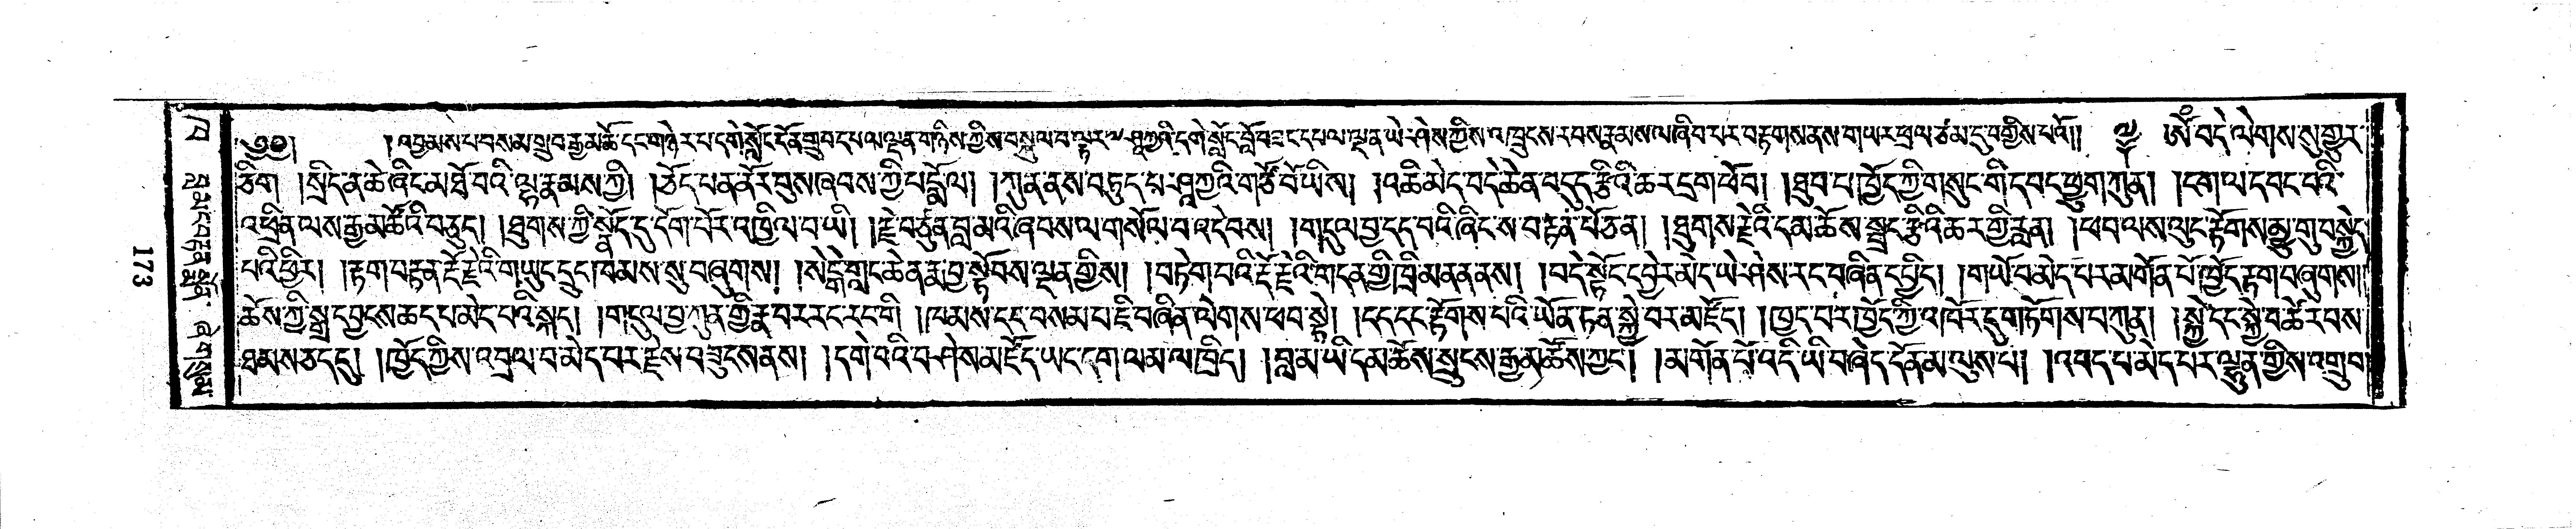༄༅། །འབྱམས་པ་བསམ་གྲུབ་རྒྱ་མཚོ་དང་གཉེར་པ་དགེ་སློང་དོན་གྲུབ་དཔལ་ལྡན་གཉིས་ཀྱིས་བསྐུལ་བ་ལྟར་༧་ཤཱཀྱའི་དགེ་སློང་བློ་བཟང་དཔལ་ལྡན་ཡེ་ཤེས་ཀྱིས་འཁྲུངས་རབས་རྣམས་ལ་ཞིབ་བར་བརྟགས་ནས་གཡར་ཕྲལ་ཙམ་དུ་བགྱིས་པའོ།། ༈ ཨོཾ་བདེ་ལེགས་སུ་གྱུར་
ཅིག །སྲིད་ན་ཆེ་ཞིང་མཐོ་བའི་ལྷ་རྣམས་ཀྱི། །ཅོད་པན་ནོར་བུས་ཞབས་ཀྱི་པདམོ་ལ། །ཀུན་ནས་བཏུད་པ་ཤཱཀྱའི་གཙོ་བོ་ཡིས། །འཆི་མེད་བདེ་ཆེན་བདུད་རྩིའི་ཆར་དྲག་ཕོབ། །ཐུབ་པ་ཁྱོད་ཀྱི་གསུང་གི་དབང་ཕྱུག་ཀུན། །ངག་ལ་དབང་པའི་
འཕྲིན་ལས་རྒྱ་མཚོའི་བཅུད། །ཐུགས་ཀྱི་སྣོད་དུ་དོག་པོར་འཁྱིལ་བ་ཡི། །རྗེ་བཙུན་བླ་མའི་ཞབས་ལ་གསོལ་བ་འདེབས། །གདུལ་བྱ་དད་པའི་ཞིང་ས་བརྟན་པོ་ཅན། །ཐུགས་རྗེའི་དམ་ཆོས་སྦྲང་རྩིའི་ཆར་གྱི་རླན། །ཕབ་ལས་ལུང་རྟོགས་མྱུ་གུ་བསྐྱེད་
པའི་ཕྱིར། །རྟག་བརྟན་རྡོ་རྗེའི་གཡུང་དྲུང་ཁམས་སུ་བཞུགས། །སེངྒེ་གླང་ཆེན་རྨ་བྱ་སྟོབས་ལྡན་གྱིས། །བཏེག་པའི་རྡོ་རྗེའི་གདན་གྱི་ཁྲི་མནན་ནས། །བདེ་སྟོང་དབྱེར་མེད་ཡེ་ཤེས་རང་བཞིན་དཔྱིད། །གཡོ་བ་མེད་པར་མགོན་པོ་ཁྱོད་རྟག་བཞུགས།།
ཆོས་ཀྱི་སྒྲ་དབྱངས་ཆད་པ་མེད་པའི་སྐད། །གདུལ་བྱ་ཀུན་གྱི་རྣ་བར་རང་རང་གི །ཁམས་དང་བསམ་པ་ཇི་བཞིན་ལེགས་ཕབ་སྟེ། །དད་དང་རྟོགས་པའི་ཡོན་ཏན་སྐྱེ་བར་མཛོད། །ཁྱད་པར་ཁྱོད་ཀྱི་འཁོར་དུ་གཏོགས་པ་ཀུན། །སྐྱེ་དང་སྐྱེ་བ་ཚེ་རབས་
ཐམས་ཅད་དུ། །ཁྱོད་ཀྱིས་འབྲལ་བ་མེད་པར་རྗེས་བཟུངས་ནས། །དགེ་བའི་བཤེས་མཛོད་ཡང་དག་ལམ་ལ་ཁྲིད། །བླ་མ་ཡི་དམ་ཆོས་སྲུངས་རྒྱ་མཚོས་ཀྱང་། །མགོན་པོ་འདི་ཡི་བཞེད་དོན་མ་ལུས་པ། །འབད་པ་མེད་པར་ལྷུན་གྱིས་འགྲུབ་